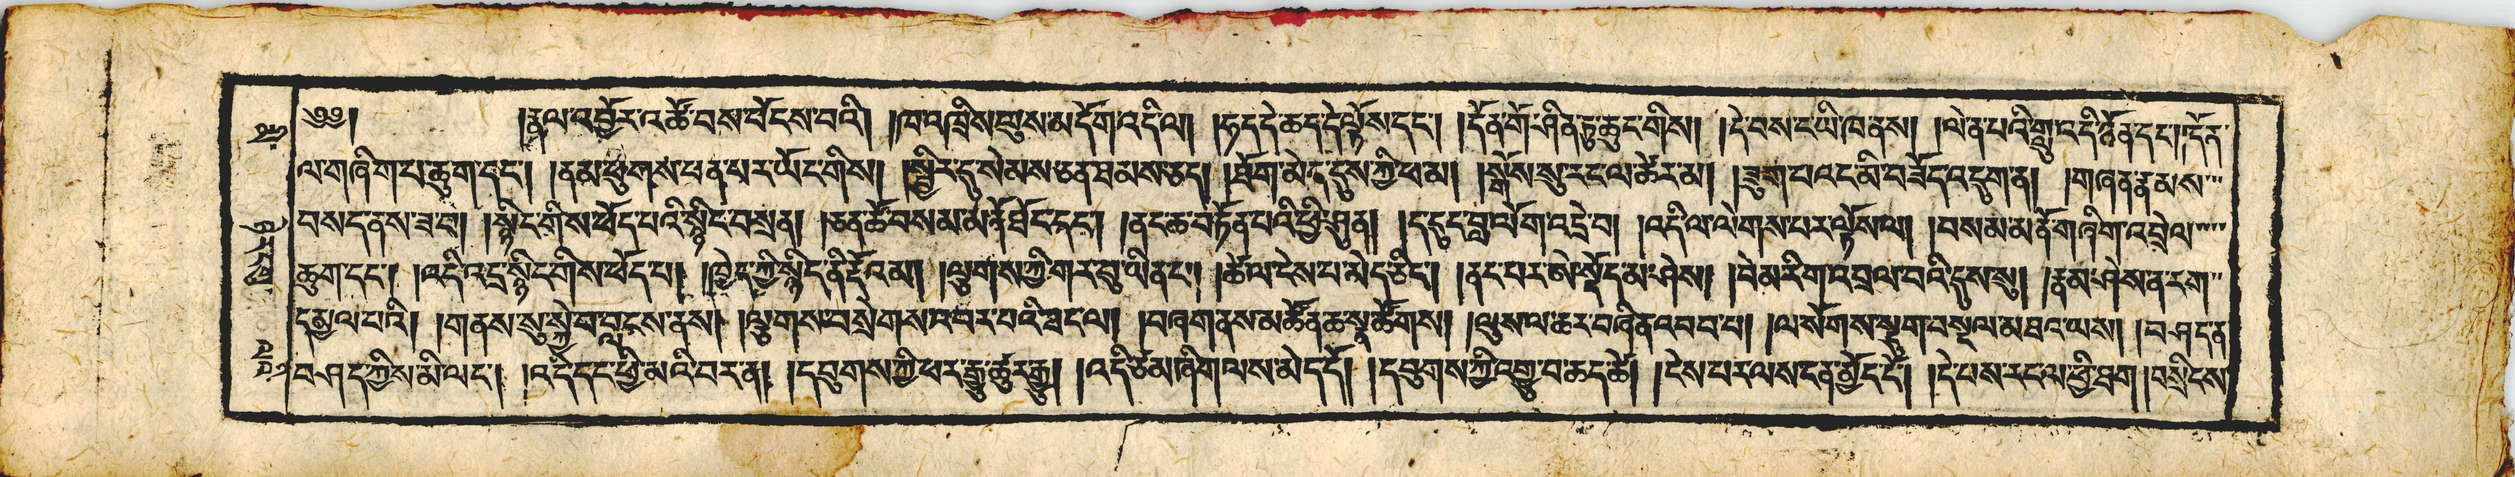རྣལ་འབྱོར་འཚོ་བས་ཕོངས་བའི། །ཁ་འཁྲིས་ལུས་མདོག་འདི་ལ། །ཧད་དེ་ཆད་དེ་ལྟོས་དང་། །དོན་གོ་ཤིན་ཏུ་ཆུང་གིས། །དེ་བས་ང་ཡི་ཁ་ནས། །ལེན་པའི་གླུ་འདི་ཞོན་དང་། །དོན་
ལ་གཞིག་པ་ཆུག་དང་། །ནམ་ཕུགས་ཕན་པར་ཡོང་གིས། །སྦྱིར་དུ་སེམས་ཅན་ཐམས་ཅད། །ཐོག་མེད་དུས་ཀྱི་ཕ་མ། །སྒོས་སུ་རང་ལ་ཚེར་མ། །ཟུག་པའང་མི་བཟོད་འདུག་ན། །གཞན་རྣམས་
བསད་ནས་ཟ་བ། །སྙིང་གིས་ཐོད་པའི་སྙིང་བསྲན། །ཅན་ཚོ་བསམ་མནོ་ཐོངས་དང་། །ནང་ཆ་བཏོན་པའི་ཕྱི་ཤུན། །ད་དུང་བླ་ལོག་འདྲེ་བ། །འདི་ལ་ལེགས་པར་ལྟོས་ལ། །བསམ་མནོ་གཞིག་འབྲེལ་
ཆུག་དང་། །འདི་འདྲ་སྙིང་གིས་ཡོད་པ། །ཁྱེན་ཀྱི་སྙིང་ནི་རྡོའམ། །ལྕགས་ཀྱི་གར་བུ་ཡིན་པ་། །ཚེ་ལ་ངེས་པ་མེད་ཅིང་། །ནང་པར་ཨེ་སྡོད་མ་ཤེས། །བེམ་རིག་འབྲལ་བའི་དུས་སུ། །རྣམ་ཤེས་ན་རག་
དམྱལ་བའི། །གནས་སུ་སྐྱེ་བ་བླངས་ནས། །ལྕགས་བསྲེགས་འབར་བའི་ཐང་ལ། །བཞག་ནས་མཚོན་ཆ་སྣ་ཚོགས། །ལུས་ལ་ཆར་བཞིན་འབབ་པ། །ལ་སོགས་སྡུག་བསྔལ་མཐའ་ཡས། །བཤད་ན་
བཤད་ཀྱིས་མི་ལང་། །འདི་དང་ཕྱི་མའི་བར་ན། །དབུགས་ཀྱི་ཕར་རྒྱུ་ཚུར་རྒྱུ། །འདི་ཙམ་ཞིག་ལས་མེད་དོ། །དབུགས་ཀྱི་འགྱུ་བ་ཆད་ཚོ། །ངེས་པར་ལས་ངན་མྱོང་ངོ་། །དེ་བས་རང་ལ་ཕྱི་ཐག །བསྲིངས་